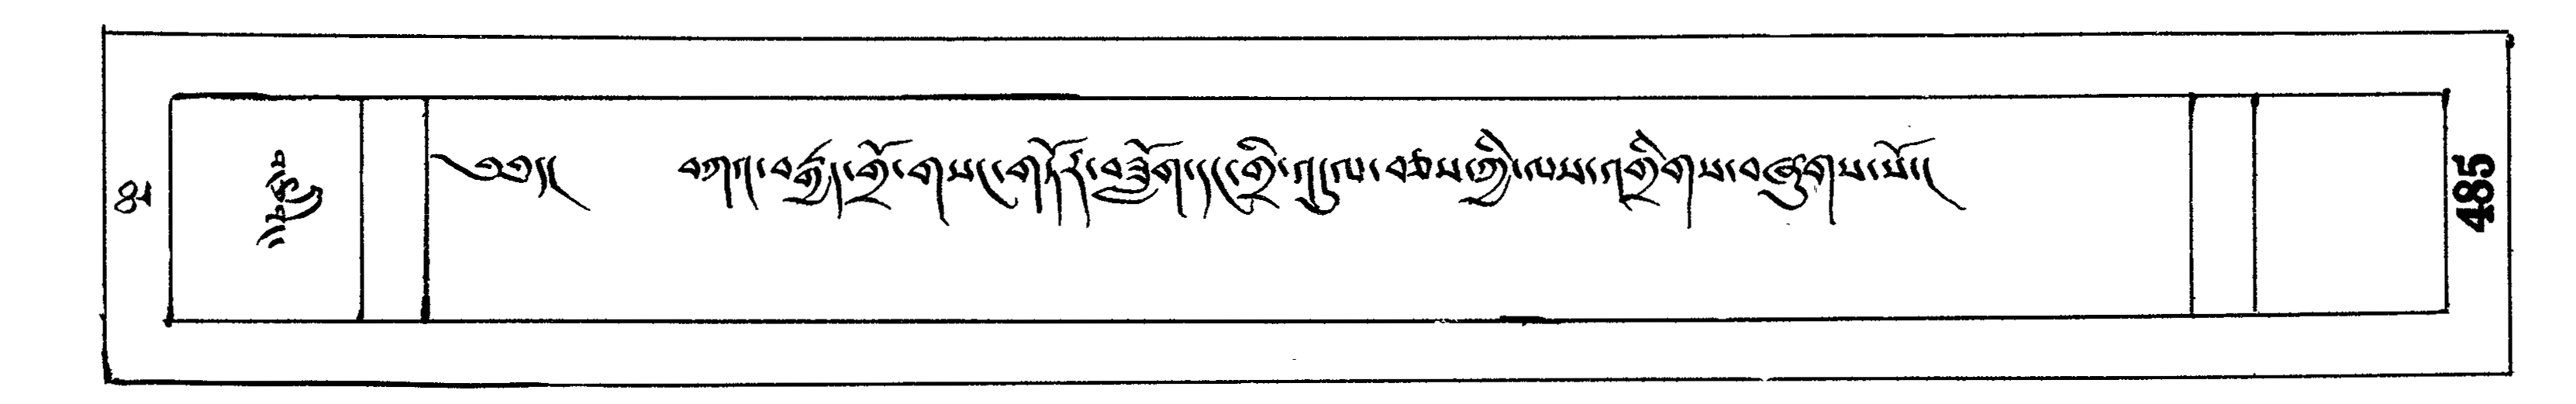༄༅། བཀའ་བརྒྱད་ཁྲོ་གསང་གཏོར་བཟློག་དང་གྲི་འདུལ་བཅས་ཀྱི་ལས་འགྲིགས་བཞུགས་སོ།